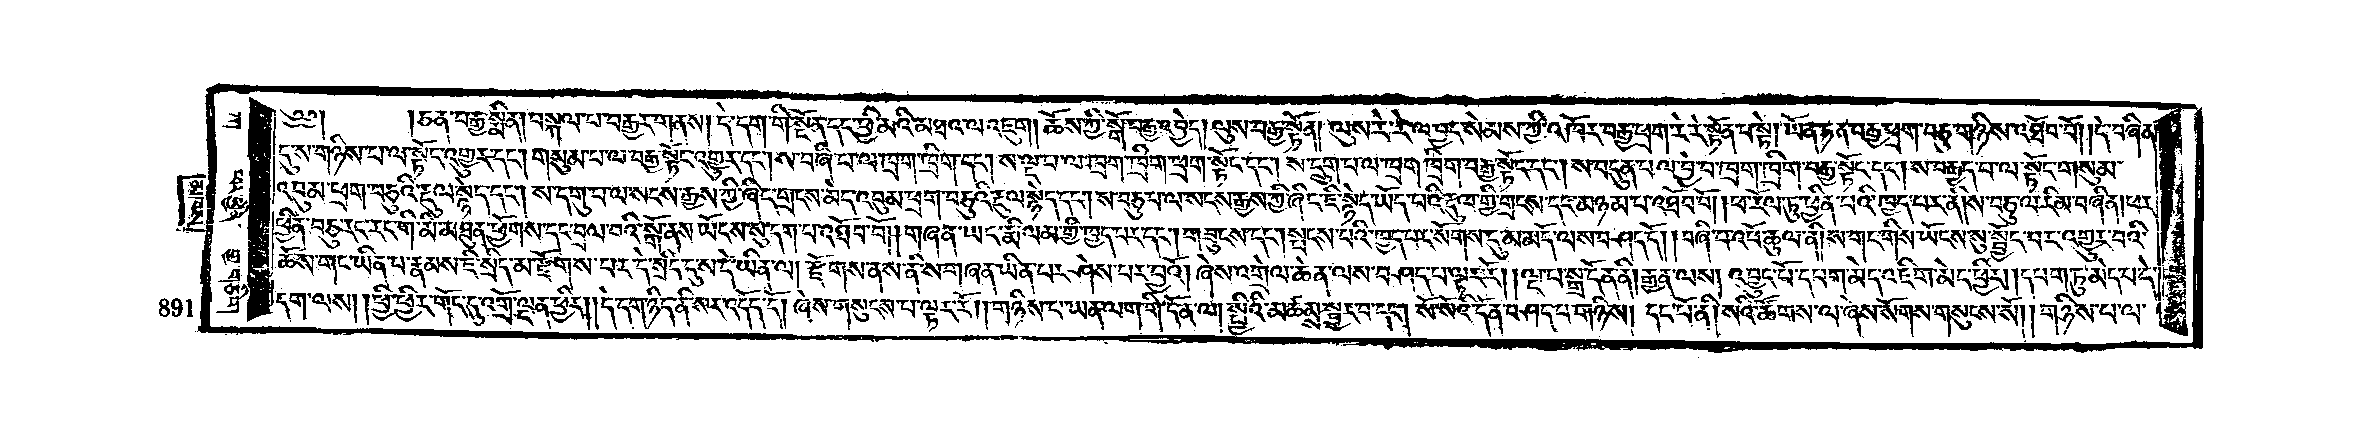༄༅། །ཅན་བརྒྱ་སྨིན། བསྐལ་པ་བརྒྱར་གནས། དེ་དག་གི་སྔོན་དང་ཕྱི་མའི་མཐའ་ལ་འཇུག །ཆོས་ཀྱི་སྒོ་བརྒྱ་འབྱེད། ལུས་བརྒྱ་སྟོན། ལུས་རེ་རེ་ལ་བྱང་སེམས་ཀྱི་འཁོར་བརྒྱ་ཕྲག་རེ་རེ་སྟོན་པ་སྟེ། ཡོན་ཏན་བརྒྱ་ཕྲག་བཅུ་གཉིས་འཐོབ་བོ། །དེ་བཞིན་
དུ་ས་གཉིས་པ་ལ་སྟོང་འགྱུར་དང་། གསུམ་པ་ལ་བརྒྱ་སྟོང་འགྱུར་དང་། ས་བཞི་པ་ལ་ཁྲག་ཁྲིག་དང་། ས་ལྔ་བ་ལ་ཁྲག་ཁྲིག་ཕྲག་བརྒྱ་སྟོང་དང་། ས་དྲུག་པ་ལ་ཁྲག་ཁྲིག་བརྒྱ་སྟོང་དང་། ས་བདུན་པ་ལ་བྱེ་བ་ཁྲག་ཁྲིག་བརྒྱ་སྟོང་དང་། ས་བརྒྱད་པ་ལ་སྟོང་གསུམ་
འབུམ་ཕྲག་བཅུའི་རྡུལ་སྙེད་དང་། ས་དགུ་པ་ལ་སངས་རྒྱས་ཀྱི་ཞིང་གྲངས་མེད་འབུམ་ཕྲག་བཅུའི་རྡུལ་སྙེད་དང་། ས་བཅུ་པ་ལ་སངས་རྒྱས་ཀྱི་ཞིང་ཇི་སྙེད་ཡོད་པའི་རྡུལ་གྱི་གྲངས་དང་མཉམ་པ་འཐོབ་བོ། །ཕ་རོལ་ཏུ་ཕྱིན་པའི་ཁྱད་པར་ནི། ས་བཅུ་ལ་རིམ་བཞིན། ཕར་
ཕྱིན་བཅུ་རང་རང་གི་མི་མཐུན་ཕྱོགས་དང་བྲལ་བའི་སྒོ་ནས་ཡོངས་སུ་དག་པ་འཐོབ་བོ། །གཞན་ཡང་རྨི་ལམ་གྱི་ཁྱད་པར་དང་། གཟུངས་དང་། སྤངས་པའི་ཁྱད་པར་སོགས་དུ་མ་མདོ་ལས་བཤད་དོ། །བཞི་པ་འཕོ་ཚུལ་ནི། ས་གང་གིས་ཡོངས་སུ་སྦྱོང་བར་འགྱུར་བའི་
ཆོས་གང་ཡིན་པ་རྣམས་ཇི་སྲིད་མ་རྫོགས་པར་དེ་སྲིད་དུ་ས་དེ་ཡིན་ལ། རྫོགས་ནས་ནི་ས་གཞན་ཡིན་པར་ཤེས་པར་བྱའོ། །ཞེས་འགྲེལ་ཆེན་ལས་བཤད་པ་ལྟར་རོ། །ལྔ་པ་སྒྲ་དོན་ནི། རྒྱན་ལས། འབྱུང་པོ་དཔག་མེད་འཇིག་མེད་ཕྱིར། །དཔག་ཏུ་མེད་པ་དེ་
དག་ལས། །ཕྱི་ཕྱིར་གོང་དུ་འགྲོ་ལྡན་ཕྱིར། །དེ་དག་ཉིད་ནི་སར་འདོད་དོ། ཞེས་གསུངས་པ་ལྟར་རོ། །གཉིས་པ་ཡན་ལག་གི་དོན་ལ། སྤྱིའི་མཚམས་སྦྱར་བ་དང་། སོ་སོའི་དོན་བཤད་པ་གཉིས། དང་པོ་ནི། སའི་ཚོགས་ལ་ཞེས་སོགས་གསུངས་སོ། །གཉིས་པ་ལ་